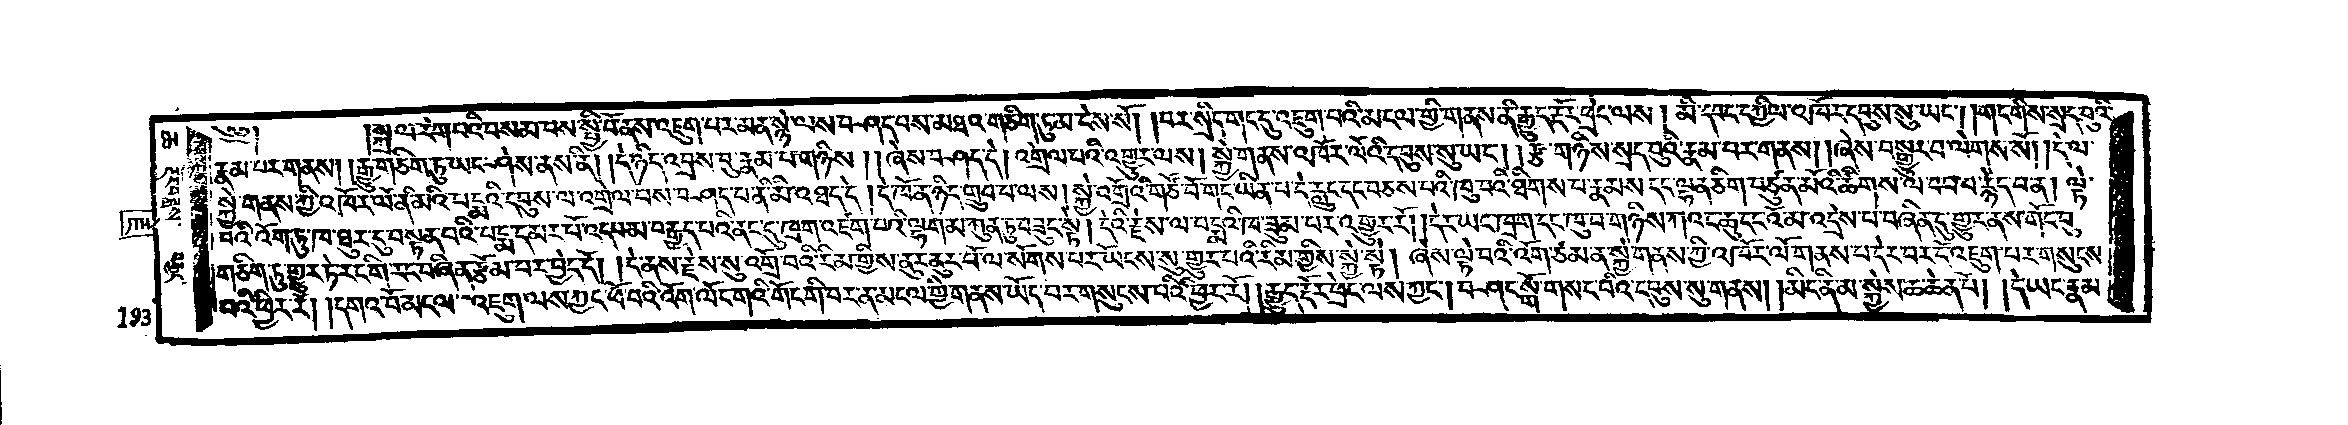༄༅། །སྐྲ་ལ་རེག་པའི་བསམ་པས་སྤྱི་བོ་ནས་འཇུག་པར་མན་སྙེ་ལས་བཤད་པས་མཐའ་གཅིག་ཏུ་མ་ངེས་སོ། །བར་སྲིད་གང་དུ་འཇུག་པའི་མངལ་གྱི་གནས་ནི་རྒྱུད་རྡོར་ཕྲེང་ལས། མི་དབང་དཀྱིལ་འཁོར་དབུས་སུ་ཡང་། །གང་གིས་སྲིད་བུའི་
རྣམ་པར་གནས། །རྒྱུ་གཅིག་ཏུ་ཡང་ཤེས་ནས་ནི། །དེ་ཉིད་འབྲས་བུ་རྣམ་པ་གཉིས། །ཞེས་བཤད་དེ། འགྲེལ་པའི་འགྱུར་ལས། སྐྱེ་གནས་འཁོར་ལོའི་དབུས་སུ་ཡང་། །རྩ་གཉིས་སྲིད་བུའི་རྣམ་པར་གནས། །ཞེས་བསྒྱུར་བ་ལེགས་སོ། །དེ་ལ་
སྐྱེ་གནས་ཀྱི་འཁོར་ལོ་ནི་མའི་པདམའི་དབུས་ལ་འགྲེལ་པས་བཤད་པ་ནི་མི་འཐད་དེ། དེ་ཁོ་ན་ཉིད་གྲུབ་པ་ལས། སྐྱེ་འགྲོའི་གཙོ་བོ་གང་ཡིན་པ་དེ་རླུང་དང་བཅས་པའི་ཁུ་བའི་ཐིགས་པ་རྣམས་དང་ལྷན་ཅིག་བཙུན་མོའི་ཚིགས་ལ་བབ་པ་རྙེད་པ་ན། ལྟེ་
བའི་འོག་ཏུ་ཁ་ཐུར་དུ་བསྟན་པའི་པདམ་དམར་པོ་འདབ་མ་བརྒྱད་པའི་ནང་དུ་ཁྲག་འཛག་པའི་ལྷག་མ་ཀུན་ཏུ་བཟུང་སྟེ། དེའི་རྗེས་ལ་པདམའི་ཁ་ཟུམ་པར་འགྱུར་རོ། །དེར་ཡང་ཁྲག་དང་ཁུ་བ་གཉིས་ཀའང་ཆུ་དང་འོ་མ་འདྲེས་པ་བཞིན་དུ་གྱུར་ནས་གོང་བུ་
གཅིག་ཏུ་གྱུར་ཏེ་རང་གི་རང་བཞིན་རྩོམ་པར་བྱེད་དོ། །དེ་ནས་རྗེས་སུ་འགྲོ་བའི་རིམ་གྱིས་ནུར་ནུར་པོ་ལ་སོགས་པར་ཡོངས་སུ་གྱུར་པའི་རིམ་གྱིས་སྐྱེ་སྟེ། ཞེས་ལྟེ་བའི་འོག་ཙམ་ན་སྐྱེ་གནས་ཀྱི་འཁོར་ལོ་གནས་པ་དེར་བར་དོ་འཇུག་པར་གསུངས་
པའི་ཕྱིར་རོ། །དགའ་བོ་མངལ་འཇུག་ལས་ཀྱང་ཕོ་བའི་འོག་ལོང་གའི་གོང་གི་བར་ན་མངལ་གྱི་གནས་ཡོད་པར་གསུངས་པའི་ཕྱིར་རོ། །རྒྱུད་རྡོར་ཕྲེང་ལས་ཀྱང་། བཤད་སྒོ་གསང་བའི་དབུས་སུ་གནས། །མིང་ནི་མ་སྐྱེས་ཆ་ཆེན་པོ། །དེ་ཡང་རྣམ་